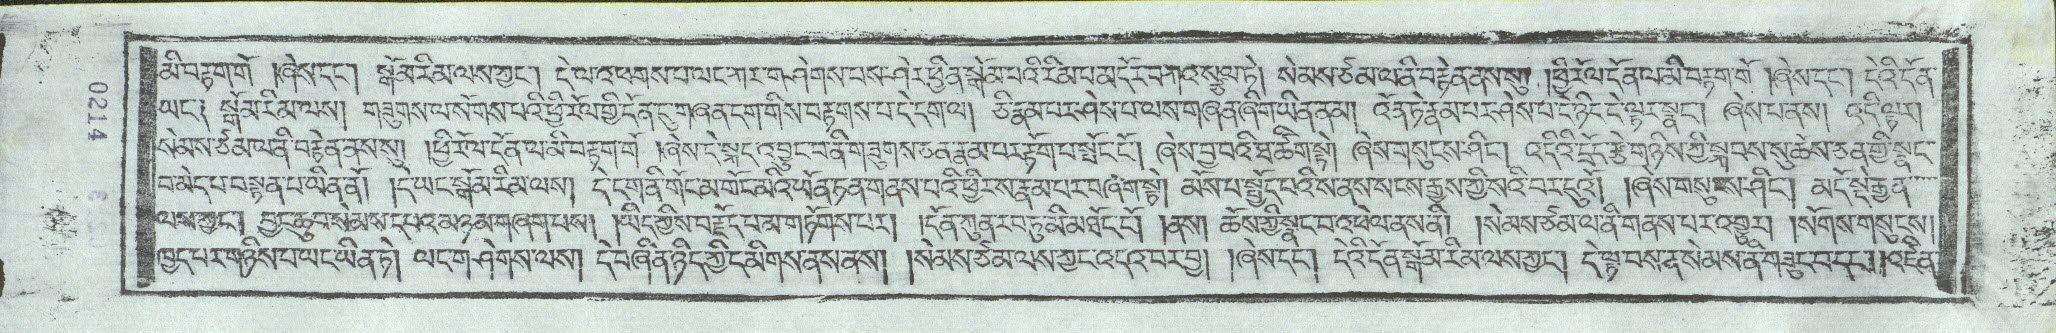མི་བརྟག་གོ །ཞེས་དང་། སྒོམ་རིམ་ལས་ཀྱང་། དེ་ལ་འཕགས་པ་ལང་ཀར་གཤེགས་པས་ཤེར་ཕྱིན་སྒོམ་པའི་རིམ་པ་མདོར་བཀའ་སྩལ་ཏེ། སེམས་ཙམ་ལ་ནི་བརྟེན་ནས་སུ། །ཕྱི་རོལ་དོན་ལ་མི་བརྟག་གོ །ཞེས་དང་། དེའི་དོན་
ཡང༑ སྒོམ་རིམ་ལས། གཟུགས་ལ་སོགས་པའི་ཕྱི་རོལ་གྱི་དོན་དུ་གཞན་དག་གིས་བརྟགས་པ་དེ་དག་ལ། ཅི་རྣམ་པར་ཤེས་པ་ལས་གཞན་ཞིག་ཡིན་ནམ། འོན་ཏེ་རྣམ་པར་ཤེས་པ་དེ་ཉིད་དེ་ལྟར་སྣང་། ཞེས་པ་ནས། འདི་ལྟར།
སེམས་ཙམ་ལ་ནི་བརྟེན་ནས་སུ། །ཕྱི་རོལ་དོན་ལ་མི་བརྟག་གོ །ཞེས་དེ་སྐད་འབྱུང་བ་ནི་གཟུགས་ཅན་རྣམ་པར་རྟོག་པ་སྤོང་ངོ། ཞེས་བྱ་བའི་ཐ་ཚིག་སྟེ། ཞེས་གསུངས་ཤིང་། འདིའི་དྲོད་རྩེ་གཉིས་ཀྱི་སྐབས་སུ་ཆོས་ཅན་གྱི་སྣང་
བ་མེད་པ་བསྟན་པ་ཡིན་ནོ། །དེ་ཡང་སྒོམ་རིམ་ལས། དེ་དག་ནི་གོང་མ་གོང་མའི་ཡོན་ཏན་གནས་པའི་ཕྱིར་ས་རྣམ་པར་བཞག་སྟེ། མོས་པ་སྤྱོད་པའི་ས་ནས་སངས་རྒྱས་ཀྱི་སའི་བར་དུའོ། །ཞེས་གསུངས་ཤིང་། མདོ་སྡེ་རྒྱན་
ལས་ཀྱང་། བྱང་ཆུབ་སེམས་དཔའ་མཉམ་གཞག་པས། །ཡིད་ཀྱིས་བརྗོད་པ་མ་གཏོགས་པར། །དོན་ཀུན་རབ་ཏུ་མི་མཐོང་ངོ། །ནས། ཆོས་ཀྱི་སྣང་བ་འཕེལ་ནས་ནི། །སེམས་ཙམ་ལ་ནི་གནས་པར་འགྱུར། །སོགས་གསུངས།
ཁྱད་པར་གཉིས་པ་ཡང་ཡིན་ཏེ། ལང་གཤེགས་ལས། དེ་བཞིན་ཉིད་ཀྱི་དམིགས་ནས་ནས། །སེམས་ཙམ་ལས་ཀྱང་འདའ་བར་བྱ། །ཞེས་དང་། དེའི་དོན་སྒོམ་རིམ་ལས་ཀྱང་། དེ་ལྟ་བས་ན་སེམས་ནི་གཟུང་བ་དང་། །འཛིན་